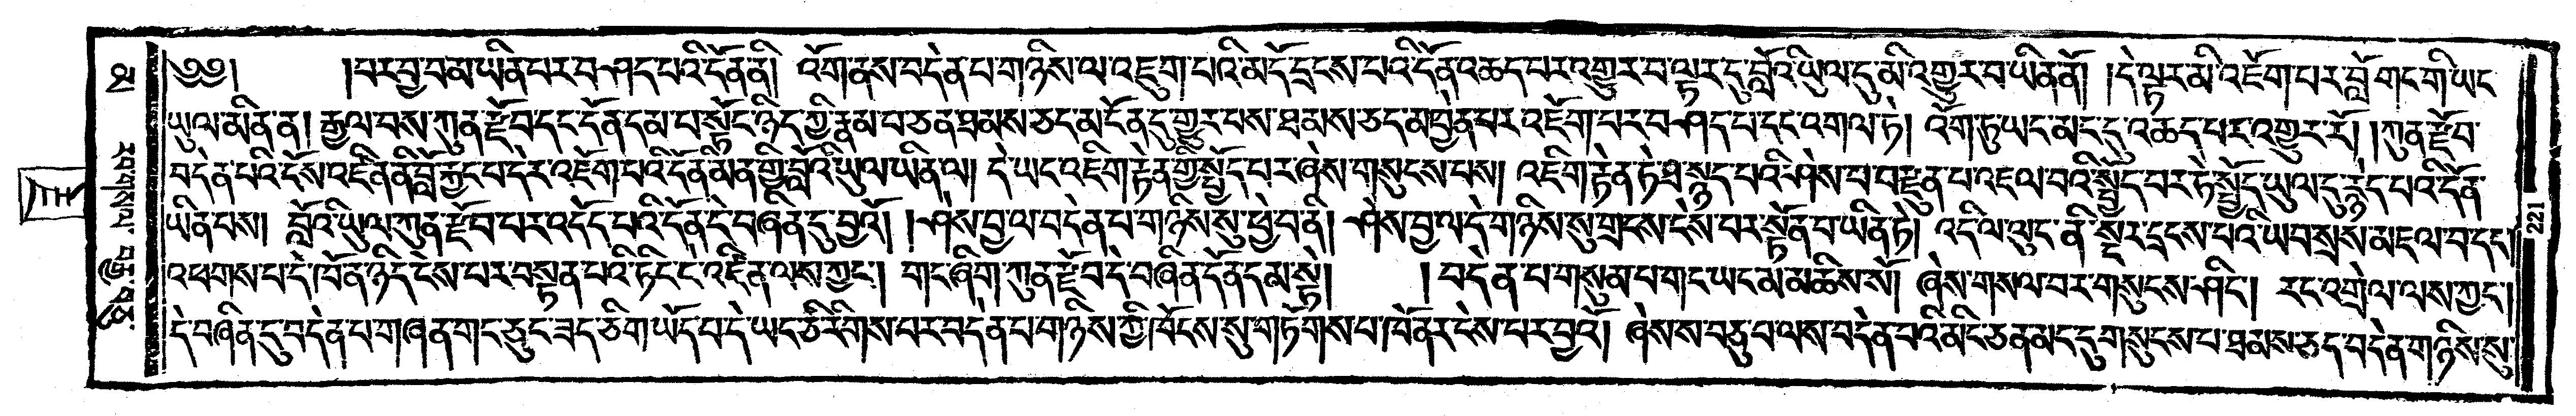༄༅། །པར་བྱ་བ་མ་ཡིན་པར་བཤད་པའི་དོན་ནི། འོག་ནས་བདེན་པ་གཉིས་ལ་འཇུག་པའི་མདོ་དྲངས་པའི་དོན་འཆད་པར་འགྱུར་བ་ལྟར་དུ་བློའི་ཡུལ་དུ་མི་འགྱུར་བ་ཡིན་ནོ། །དེ་ལྟར་མི་འཇོག་པར་བློ་གང་གི་ཡང་
ཡུལ་མིན་ན། རྒྱལ་བས་ཀུན་རྫོབ་དང་དོན་དམ་པ་སྟོང་ཉིད་ཀྱི་རྣམ་པ་ཅན་ཐམས་ཅད་མངོན་དུ་གྱུར་པས་ཐམས་ཅད་མཁྱེན་པར་འཇོག་པར་བཤད་པ་དང་འགལ་ཏེ། འོག་ཏུ་ཡང་མང་དུ་འཆད་པར་འགྱུར་རོ། །ཀུན་རྫོབ་
བདེན་པའི་ངོས་འཛིན་ནི་བློ་རྐྱང་པ་དེར་འཇོག་པའི་དོན་མིན་གྱི་བློའི་ཡུལ་ཡིན་ལ། དེ་ཡང་འཇིག་རྟེན་གྱི་སྤྱོད་པར་ཞེས་གསུངས་པས། འཇིག་རྟེན་ཏེ་ཐ་སྙད་པའི་ཤེས་པ་བརྫུན་པ་འཇལ་བའི་སྤྱོད་པར་ཏེ་སྤྱོད་ཡུལ་དུ་རྙེད་པའི་དོན་
ཡིན་པས། བློའི་ཡུལ་ཀུན་རྫོབ་པར་འདོད་པའི་དོན་དེ་བཞིན་དུ་བྱའོ། །ཤེས་བྱ་ལ་བདེན་པ་གཉིས་སུ་ཕྱེ་བ་ནི། ཤེས་བྱ་ལ་དེ་གཉིས་སུ་གྲངས་ངེས་པར་སྟོན་པ་ཡིན་ཏེ། འདི་ལ་ལུང་ནི་སྔར་དྲངས་པའི་ཡབ་སྲས་མཇལ་བ་དང་།
འཕགས་པ་དེ་ཁོ་ན་ཉིད་ངེས་པར་བསྟན་པའི་ཏིང་ངེ་འཛིན་ལས་ཀྱང་། གང་ཞིག་ཀུན་རྫོབ་དེ་བཞིན་དོན་དམ་སྟེ། །བདེན་པ་གསུམ་པ་གང་ཡང་མ་མཆིས་སོ། ཞེས་གསལ་བར་གསུངས་ཤིང་། རང་འགྲེལ་ལས་ཀྱང་།
དེ་བཞིན་དུ་བདེན་པ་གཞན་གང་ཅུང་ཟད་ཅིག་ཡོད་པ་དེ་ཡང་ཅི་རིགས་པར་བདེན་པ་གཉིས་ཀྱི་ཁོངས་སུ་གཏོགས་པ་ཁོ་ནར་ངེས་པར་བྱའོ། ཞེས་ས་བཅུ་པ་ལས་བདེན་པའི་མིང་ཅན་མང་དུ་གསུངས་པ་ཐམས་ཅད་བདེན་གཉིས་སུ་